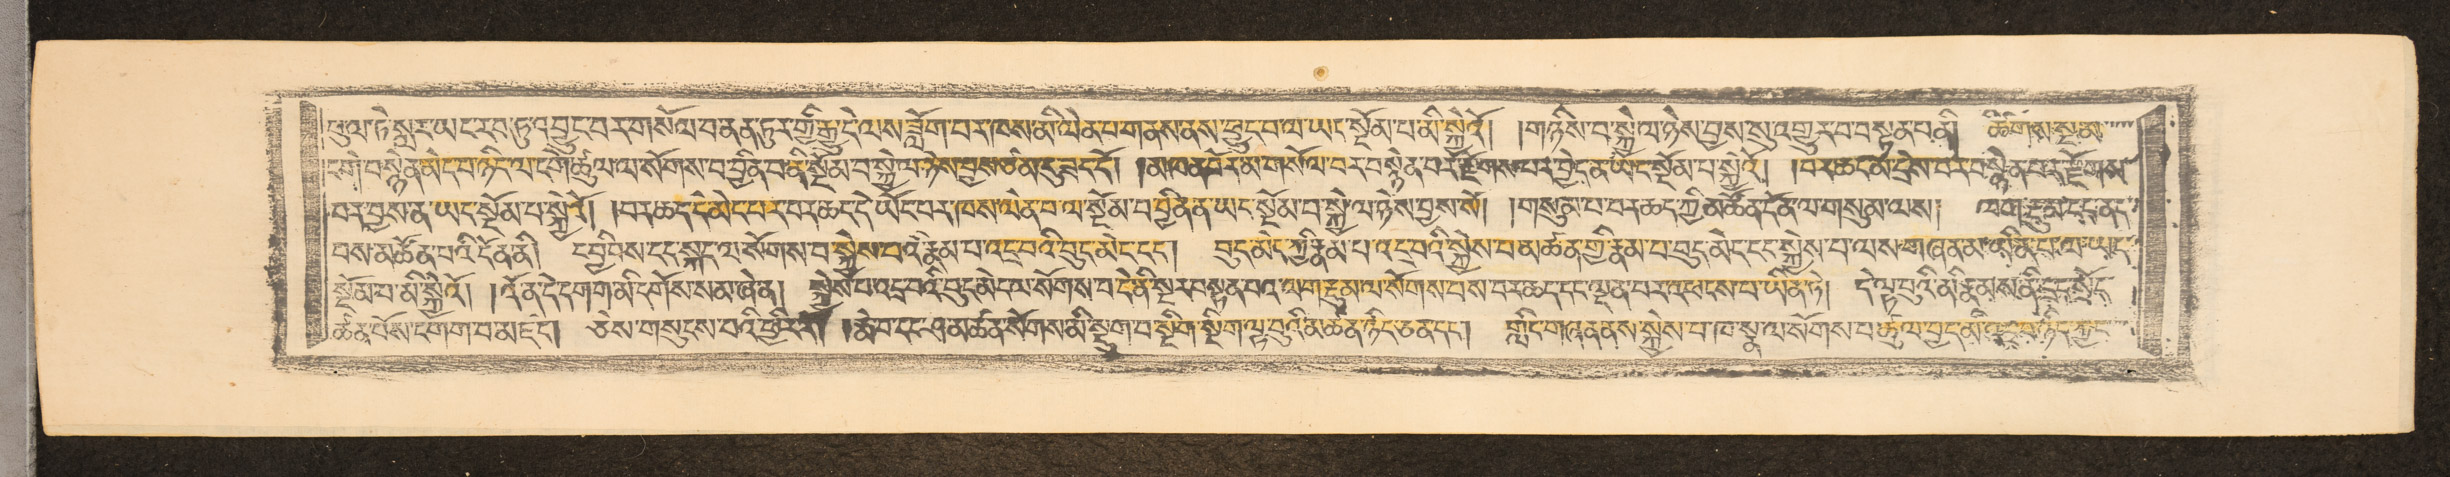ཕུལ་ཏེ་སླར་ཡང་རབ་ཏུ་འབྱུང་བར་གསོལ་བ་ནན་ཏུར་གྱི་རྒྱུ་དེ་ལས་ཟློག་པར་ཁས་མི་ལེན་པ་གནས་ནས་ཕྱུང་བ་ལ་ཡང་སྡོམ་པ་མི་སྐྱེའོ། །གཉིས་པ་སྐྱེ་ལ་ཉེས་བྱས་སུ་འགྱུར་བ་བསྟན་པ་ནི། ཚིགས་སྔ་མ་
དགེ་བསྙེན་མེད་པ་ཉིད་ལ་དགེ་ཚུལ་ལ་སོགས་པ་བྱིན་པ་ནི་སྡོམ་པ་སྐྱེ་ལ་ཉེས་བྱས་ཙམ་དུ་ཟང་ངོ། །མཁན་པོར་མ་གསོལ་བར་བསྙེན་པར་རྫོགས་པར་བྱེད་ན་ཡང་སྡོམ་པ་སྐྱེའོ། །བར་ཆད་མ་དྲིས་པར་བསྙེན་པར་རྫོགས་
པར་བྱས་ན་ཡང་སྡོམ་པ་སྐྱེའོ། །བར་ཆད་དེ་མེད་པར་བར་ཆད་དེ་ཡོང་པར་ཁས་ལེན་པ་ལ་སྡོམ་པ་བྱིན་ན་ཡང་སྡོམ་པ་སྐྱེ་ལ་ཉེས་བྱས་སོ། །གསུམ་པ་བར་ཆད་ཀྱི་མཚོན་དོན་ལ་གསུམ་ལས། ལག་རྡུམ་དང་ནང་
བས་མཚོན་པའི་དོན་ནི། དབྱིབས་དང་སྐང་ལ་སོགས་པ་སྐྱེས་པའི་རྣམ་པ་འདྲ་བའི་བུད་མེད་དང་། བུད་མེད་ཀྱི་རྣམ་པ་འདྲ་བའི་སྐྱེས་པ་མཚན་གྱི་རྣམ་པ་བུད་མེད་དང་སྐྱེས་པ་ལས་གཞན་མ་ཡིན་པ་ལ་ཡང་
སྡོམ་པ་མི་སྐྱེའོ། །འོ་ན་དེ་དགག་མི་དགོས་སམ་ཞེ་ན། སྐྱེས་པ་འདྲ་བའི་བུད་མེད་ལ་སོགས་པ་དེ་ནི་སྔར་བསྟན་པའི་ལག་རྡུམ་ལ་སོགས་པས་བར་ཆད་དང་ལྡན་པར་འཕངས་པ་ཡིན་ཏེ། དེ་ལྟ་བུའི་མི་རྣམས་ནི་དྲང་སྲོང་
ཆེན་པོས་དགག་པ་མཛད། ཅེས་གསུངས་པའི་ཕྱིར་རོ། །རྨེ་བ་དང་ཤ་མཚན་སོགས་མི་སྡུག་པ་སྡིག་སྡིག་ལྟ་བུའི་མཚན་ཉིད་ཅན་དང་། གླིང་གཞན་ནས་སྐྱེས་པ་ཁ་སྣ་ལ་སོགས་པ་ཚུལ་བྱད་མི་འདྲ་བ་ཉིད་ཀྱང་